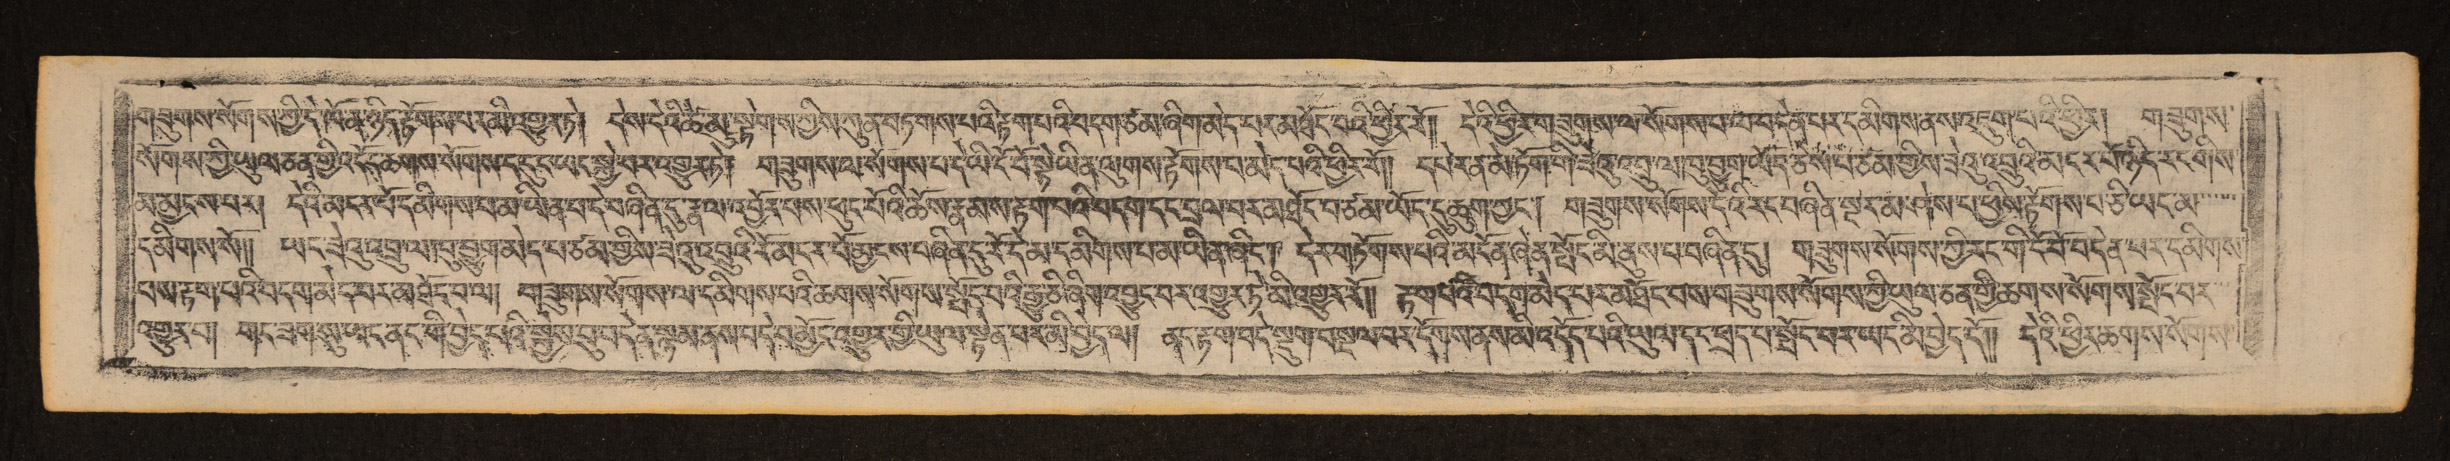གཟུགས་སོགས་ཀྱི་དེ་ཁོ་ན་ཉིད་རྟོགས་པར་མི་འགྱུར་ཏེ། དེས་དེའི་ཚེ་མུ་སྟེགས་ཀྱིས་ཀུན་བཏགས་པའི་རྟག་པའི་བདག་ཙམ་ཞིག་མེད་པར་མཐོང་བའི་ཕྱིར་རོ།། དེའི་ཕྱིར་གཟུགས་ལ་སོགས་པ་ལ་བདེན་པར་དམིགས་ནས་འཇུག་པའི་ཕྱིར། གཟུགས་
སོགས་ཀྱི་ཡུལ་ཅན་གྱི་འདོད་ཆགས་སོགས་ད་དུང་ཡང་སྐྱེ་བར་འགྱུར་ཏེ། གཟུགས་ལ་སོགས་པ་དེ་ཡི་ངོ་བོ་སྟེ་ཡིན་ལུགས་རྟོགས་པ་མེད་པའི་ཕྱིར་རོ།། དཔེར་ན་མེ་ཏོག་གི་ཟེའུ་འབྲུ་ལ་ཁུ་བྱུག་ཡོད་ཅེས་པ་ཙམ་གྱིས་ཟེའུ་འབྲུའི་མངར་པོ་ཉིད་རང་གིས་
མ་མྱངས་པར། དེའི་མངར་པོ་དམིགས་པ་མ་ཡིན་པ་དེ་བཞིན་དུ་རྣལ་འབྱོར་པས་ཕུང་པོའི་ཆོས་རྣམས་རྟག་པའི་བདག་དང་བྲལ་བར་མཐོང་བ་ཙམ་ཡོད་དུ་ཆུག་ཀྱང་། གཟུགས་སོགས་དེའི་རང་བཞིན་སྔར་མ་ཤེས་པ་ཕྱིས་རྟོགས་པ་ཅི་ཡང་མ་
དམིགས་སོ།། ཡང་ཟེའུ་འབྲུ་ལ་ཁུ་བྱུག་མེད་པ་ཙམ་གྱིས་ཟེའུ་འབྲུའི་རོ་མངར་པོ་མྱངས་བཞིན་དུ་རོ་དེ་མ་དམིགས་པ་མ་ཡིན་ཞིང་། དེར་གཏོགས་པའི་མངོན་ཞེན་སྤོང་མི་ནུས་པ་བཞིན་དུ། གཟུགས་སོགས་ཀྱི་རང་གི་ངོ་བོ་བདེན་པར་དམིགས་
པས་རྟག་པའི་བདག་མེད་པར་མཐོང་བ་ལ། གཟུགས་སོགས་ལ་དམིགས་པའི་ཆགས་སོགས་སྤོང་བའི་རྒྱུ་ཅི་ཞིག་འབྱུང་བར་འགྱུར་ཏེ་མི་འགྱུར་རོ།། རྟག་པའི་བདག་མེད་པར་མཐོང་བས་གཟུགས་སོགས་ཀྱི་ཡུལ་ཅན་གྱི་ཆགས་སོགས་སྤོང་བར་
འགྱུར་བ། གང་ཟག་སུ་ཡང་ནང་གི་བྱེད་པའི་སྐྱེས་བུ་བདེན་སྙམ་ནས་བདེ་བ་མྱོང་འགྱུར་གྱི་ཡུལ་སྟེན་པར་མི་བྱེད་ལ། ནང་རྟག་བདེ་སྡུག་བསྔལ་བར་དོགས་ནས་མི་འདོད་པའི་ཡུལ་དང་ཕྲད་པ་སྤོང་བར་ཡང་མི་བྱེད་དོ།། དེའི་ཕྱིར་ཆགས་སོགས་